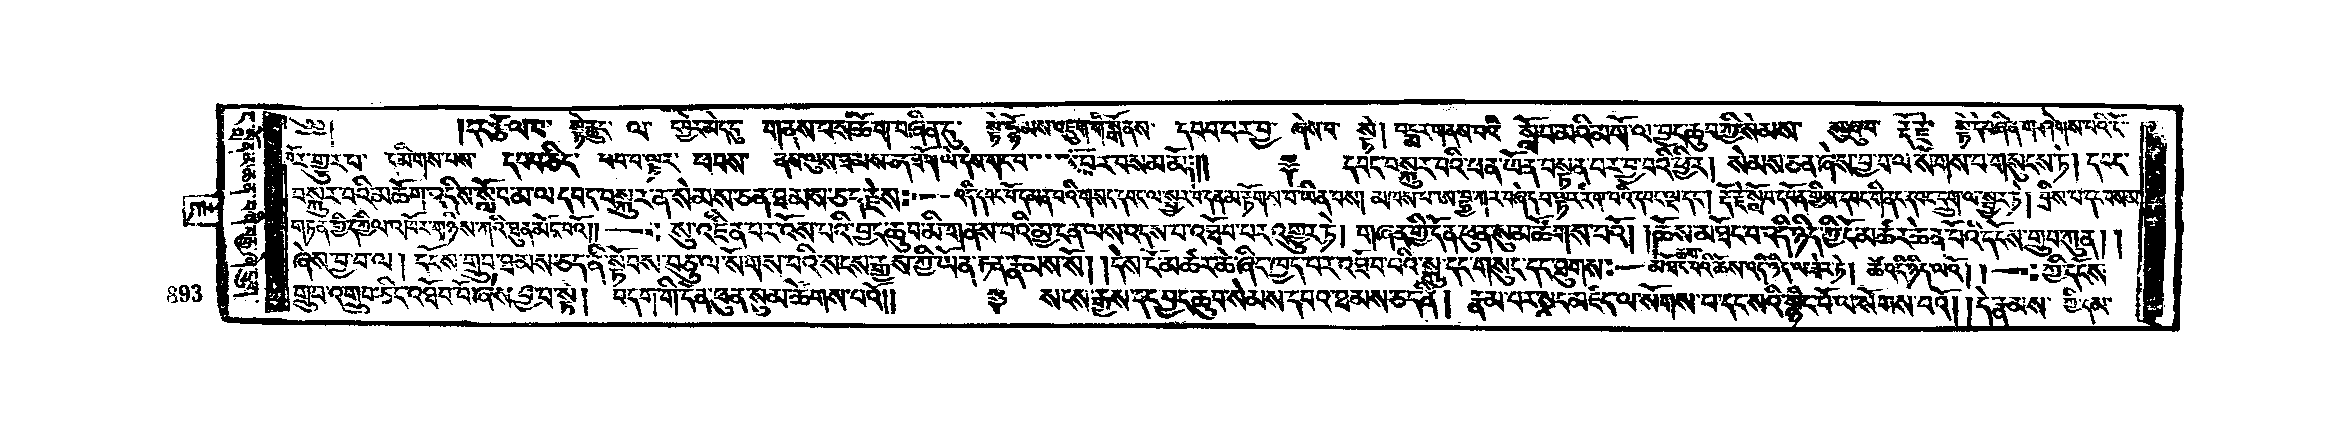༄༅། །དང་རྩོལ་བ་སྟེ་རླུང་ལ་དབྱེར་མེད་དུ་གནས་པས་ཆོ་ག་བཞིན་དུ་སྟེ་སྙོམས་འཇུག་གི་སྒོ་ནས་དབབ་པར་བྱ་ཞེས་པ་སྟེ། པདམར་གནས་པའི་སློབ་མའི་མགོ་ལ་བྱང་ཆུབ་ཀྱི་སེམས་སུ་ཞུ་བ་རྡོ་རྗེ་སྟེ་དེ་བཞིན་གཤེགས་པའི་ངོ་
བོར་གྱུར་པ་དམིགས་པས་དབབ་ཅིང་ཕབ་པ་ལྟར་ཕབས་ནས་ལུས་ཐམས་ཅད་ཐིག་ལེ་དེས་གང་བ་པར་བསམ་མོ།། ༈ དབང་བསྐུར་བའི་ཕན་ཡོན་བསྟན་པར་བྱ་བའི་ཕྱིར། སེམས་ཅན་ཞེས་བྱ་བ་ལ་སོགས་པ་གསུངས་ཏེ། དབང་
བསྐུར་བའི་མཆོག་འདིས་སློབ་མ་ལ་དབང་བསྐུར་ན་སེམས་ཅན་ཐམས་ཅད་རྗེས་H འདི་དབང་པོ་དམན་པའི་གསང་དབང་ལ་སྦྱར་བ་དོན་མ་རྟོགས་པ་ཡིན་པས། མཁས་པ་ཨ་བྷྱ་ཀ་ར་བཞེད་པ་ལྟར་རིག་པའི་དབང་ལྔ་དང་། རྡོ་རྗེ་སློབ་དཔོན་གྱིས་དབང་གི་ནང་དབང་དྲུག་ལ་སྦྱར་ཏེ། བྲིས་པ་དང་བསམ་
གཏན་གྱི་དཀྱིལ་འཁོར་གཉིས་ཀའི་ཐུན་མོང་བའོ།། H སུ་འཛིན་པར་འོས་པའི་བྱང་ཆུབ་མི་གནས་པའི་མྱ་ངན་ལས་འདས་པ་འཐོབ་པར་འགྱུར་ཏེ། གཞན་གྱི་དོན་ཕུན་སུམ་ཚོགས་པའོ། །ཆོས་མཐོང་བ་འདི་ཉིད་ཀྱི་ངོ་མཚར་ཆེན་པོའི་དངོས་གྲུབ་ཀུན། །
ཞེས་བྱ་བ་ལ། དངོས་གྲུབ་ཐམས་ཅད་ནི་སྟོབས་བཅུ་ལ་སོགས་པའི་སངས་རྒྱས་ཀྱི་ཡོན་ཏན་རྣམས་སོ། །དེས་ངོ་མཚར་ཆེ་ཞིང་ཁྱད་པར་འཐོབ་པའི་སྐུ་དང་གསུང་དང་ཐུགས་H མཐོང་ཆག་བའི་ཆོས་འདི་ཉིད་ལ་ཟེར་ཏེ། ཚེ་འདི་ཉིད་ལའོ།།  H ཀྱི་དངོས་
གྲུབ་འགྲུབ་ཅིང་འཐོབ་བོ་ཞེས་བྱ་བ་སྟེ། བདག་གི་དོན་ཕུན་སུམ་ཚོགས་པའོ།། ༈ སངས་རྒྱས་དང་བྱང་ཆུབ་སེམས་དཔའ་ཐམས་ཅད་ནི། རྣམ་པར་སྣང་མཛད་ལ་སོགས་པ་དང་སའི་སྙིང་པོ་ལ་སོགས་པའོ། །དེ་རྣམས་ཀྱི་དམ་